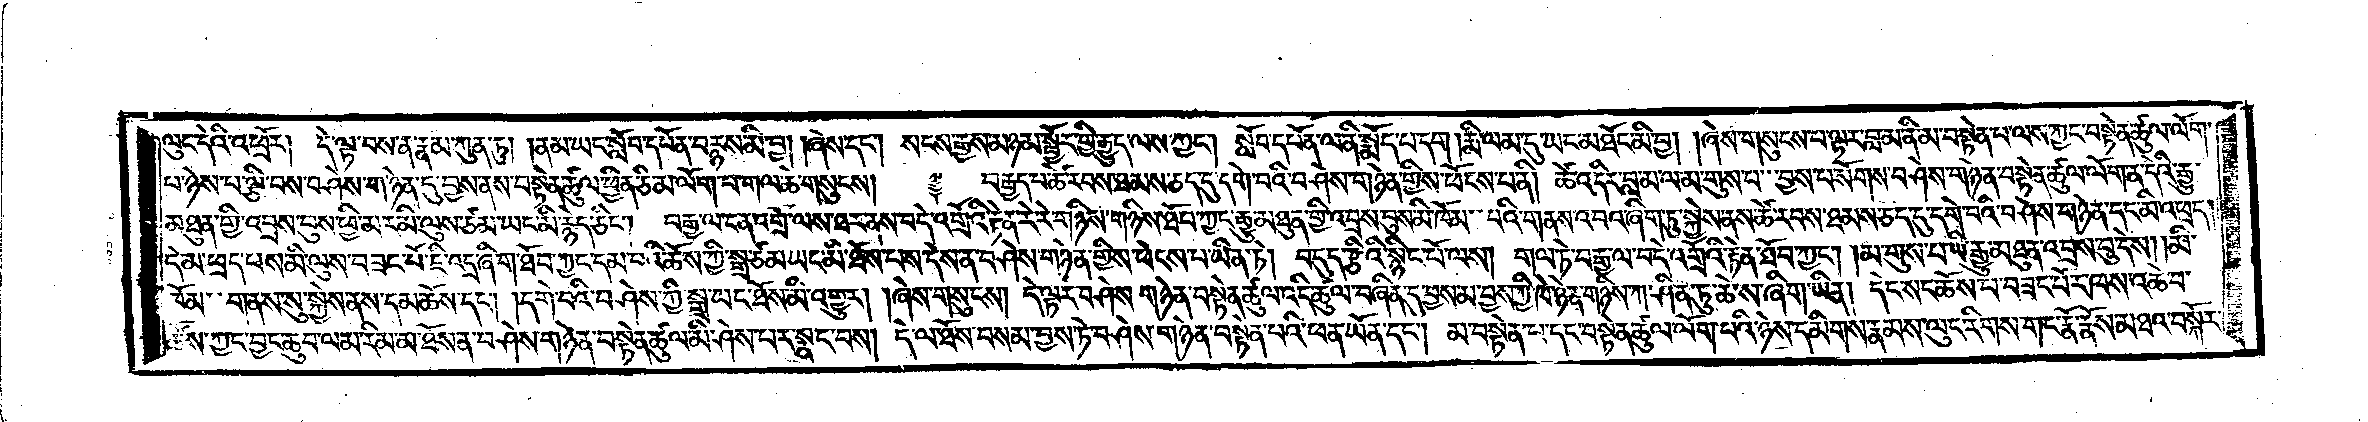ལུང་དེའི་འཕྲོར། དེ་ལྟ་བས་ན་རྣམ་ཀུན་ཏུ། །ནམ་ཡང་སློབ་དཔོན་བརྙས་མི་བྱ། །ཞེས་དང་། སངས་རྒྱས་མཉམ་སྦྱོར་གྱི་རྒྱུད་ལས་ཀྱང་། སློབ་དཔོན་ལ་ནི་སྨོད་པ་དག །རྨི་ལམ་དུ་ཡང་མཐོང་མི་བྱ། །ཞེས་གསུངས་པ་ལྟར་བླ་མ་ནི་མ་བསྟེན་པ་ལས་ཀྱང་བསྟེན་ཚུལ་ལོག་
པ་ཉེས་པ་ལྕི་བས་བཤེས་གཉེན་དུ་བྱས་ནས་བསྟེན་ཚུལ་ཕྱིན་ཅི་མ་ལོག་པ་གལ་ཆེ་གསུངས། ༈ བརྒྱད་པ་ཚེ་རབས་ཐམས་ཅད་དུ་དགེ་བའི་བཤེས་གཉེན་གྱིས་ཕོངས་པ་ནི། ཚེ་འདིར་བླ་མ་ལ་མ་གུས་པ་བྱས་པ་སོགས་བཤེས་གཉེན་བསྟེན་ཚུལ་ལོག་ན་དེའི་རྒྱུ་
མཐུན་གྱི་འབྲས་བུས་ཕྱི་མར་མི་ལུས་ཙམ་ཡང་མི་རྙེད་ཅིང་། བརྒྱ་ལ་ངན་འགྲོ་ལས་ཐར་ནས་བདེ་འགྲོའི་རྟེན་རེ་རེ་གཉིས་གཉིས་ཐོབ་ཀྱང་རྒྱུ་མཐུན་གྱི་འབྲས་བུས་མི་ཁོམ་པའི་གནས་འབའ་ཞིག་ཏུ་སྐྱེས་ནས་ཚེ་རབས་ཐམས་ཅད་དུ་དགེ་བའི་བཤེས་གཉེན་དང་མི་འཕྲད།
དེ་མ་ཕྲད་པས་མི་ལུས་བཟང་པོ་ཇི་འདྲ་ཞིག་ཐོབ་ཀྱང་དམ་པའི་ཆོས་ཀྱི་སྒྲ་ཙམ་ཡང་མི་ཐོས་པས་དེས་ན་བཤེས་གཉེན་གྱིས་ཕོངས་པ་ཡིན་ཏེ། བདུད་རྩིའི་སྙིང་པོ་ལས། གལ་ཏེ་བརྒྱལ་བདེ་འགྲོའི་རྟེན་ཐོབ་ཀྱང་། །མ་གུས་པ་ཡི་རྒྱུ་མཐུན་འབྲས་བུ་དེས། །མི་
ཁོམ་གནས་སུ་སྐྱེས་ནས་དམ་ཆོས་དང་། །དགེ་བའི་བཤེས་ཀྱི་སྒྲ་ཡང་ཐོས་མཾ་འགྱུར། །ཞེས་གསུངས། དེ་ལྟར་བཤེས་གཉེན་བསྟེན་ཚུལ་འདི་ཚུལ་བཞིན་དུ་བྱས་མ་བྱས་ཀྱི་ཁེ་ཉེན་གཉིས་ཀ་ཤིན་ཏུ་ཆེ་ས་ཞིག་ཡིན། དེང་སང་ཆོས་པ་བཟང་པོར་ཁས་འཆེ་བ་
ཆོས་ཀྱང་བྱང་ཆུབ་ལམ་རིམ་མ་ཐོས་ན་བཤེས་གཉེན་བསྟེན་ཚུལ་མི་ཤེས་པར་སྣང་བས། དེ་ལ་ཐོས་བསམ་བྱས་ཏེ་བཤེས་གཉེན་བསྟེན་པའི་ཕན་ཡོན་དང་། མ་བསྟེན་པ་དང་བསྟེན་ཚུལ་ལོག་པའི་ཉེས་དམིགས་རྣམས་ལུང་རིགས་གང་རྣོ་རྣོས་མཐའ་བསྐོར་